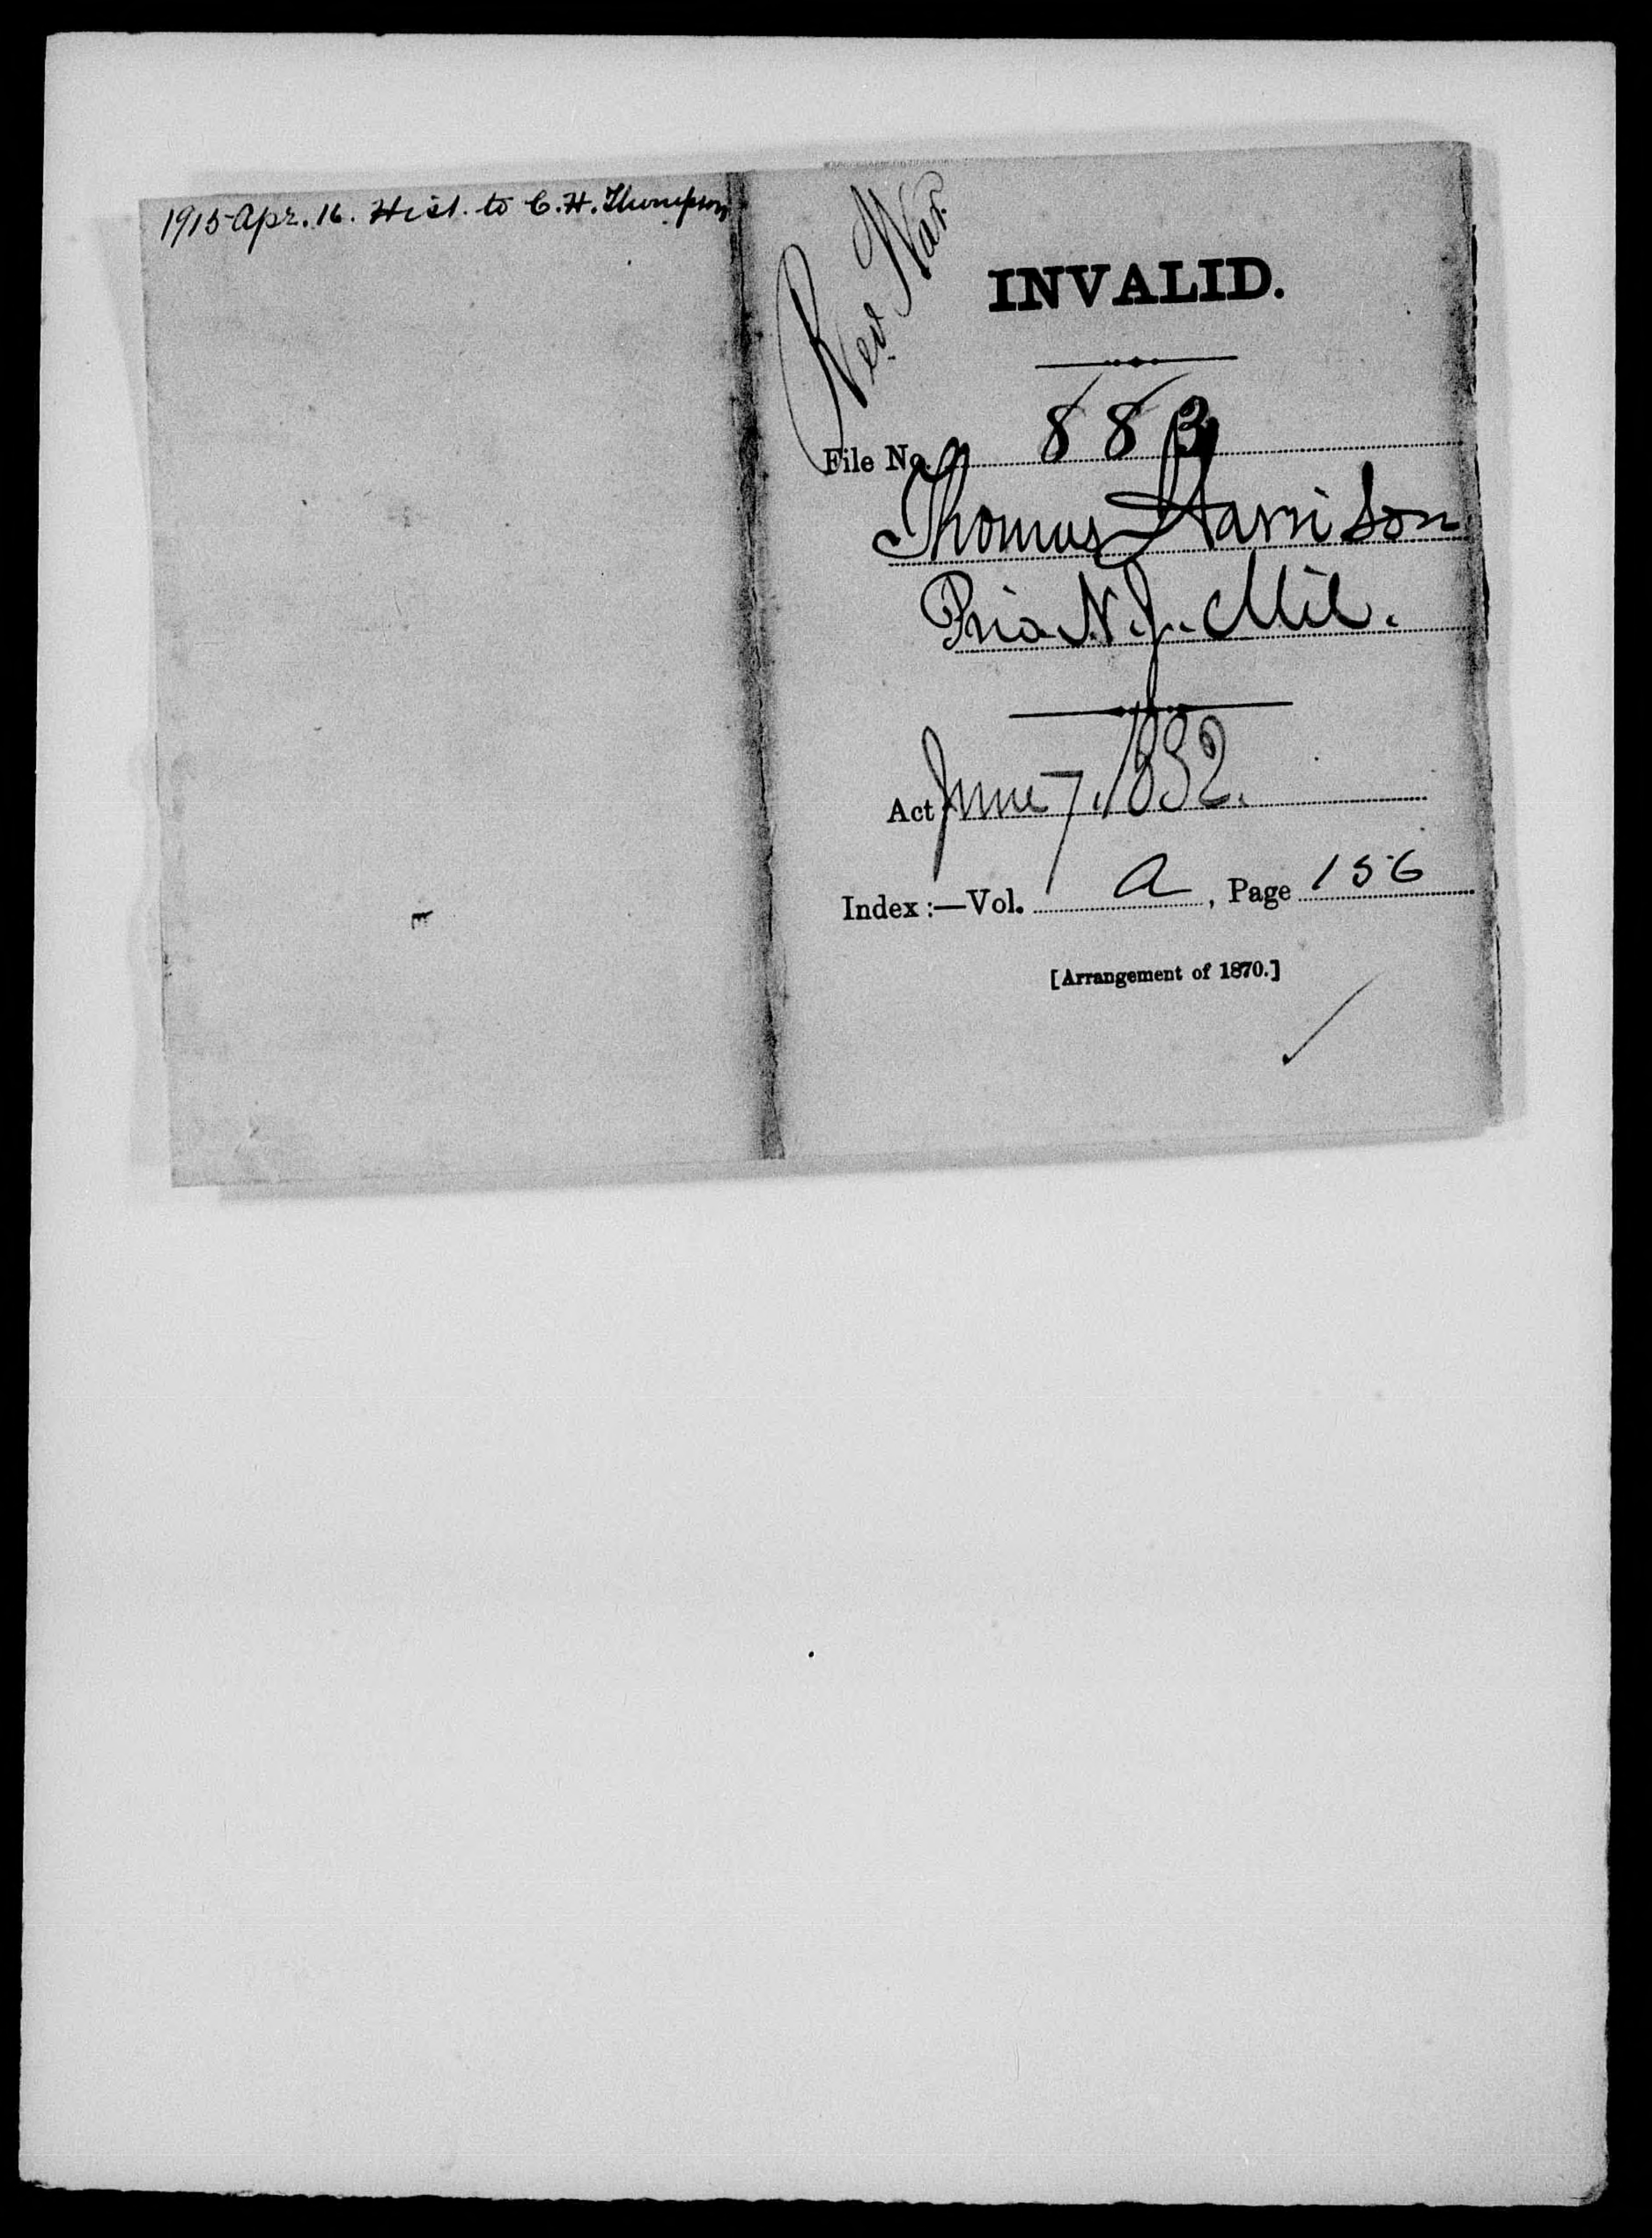[left panel] 1915 Apr. 16. Hist to C. H. Thompson
Rev War | INVALID.
File No 883
Thomas Harrison
Pri N.J. Mil.
Act June 7, 1832.
Index: -- Vol. a, Page 156
Arrangement of 1870.
[check mark]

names: C H Thompson, Thomas Harrison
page: 11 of 15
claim: survivor's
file: S. 883, Thomas Harrison, New Jersey